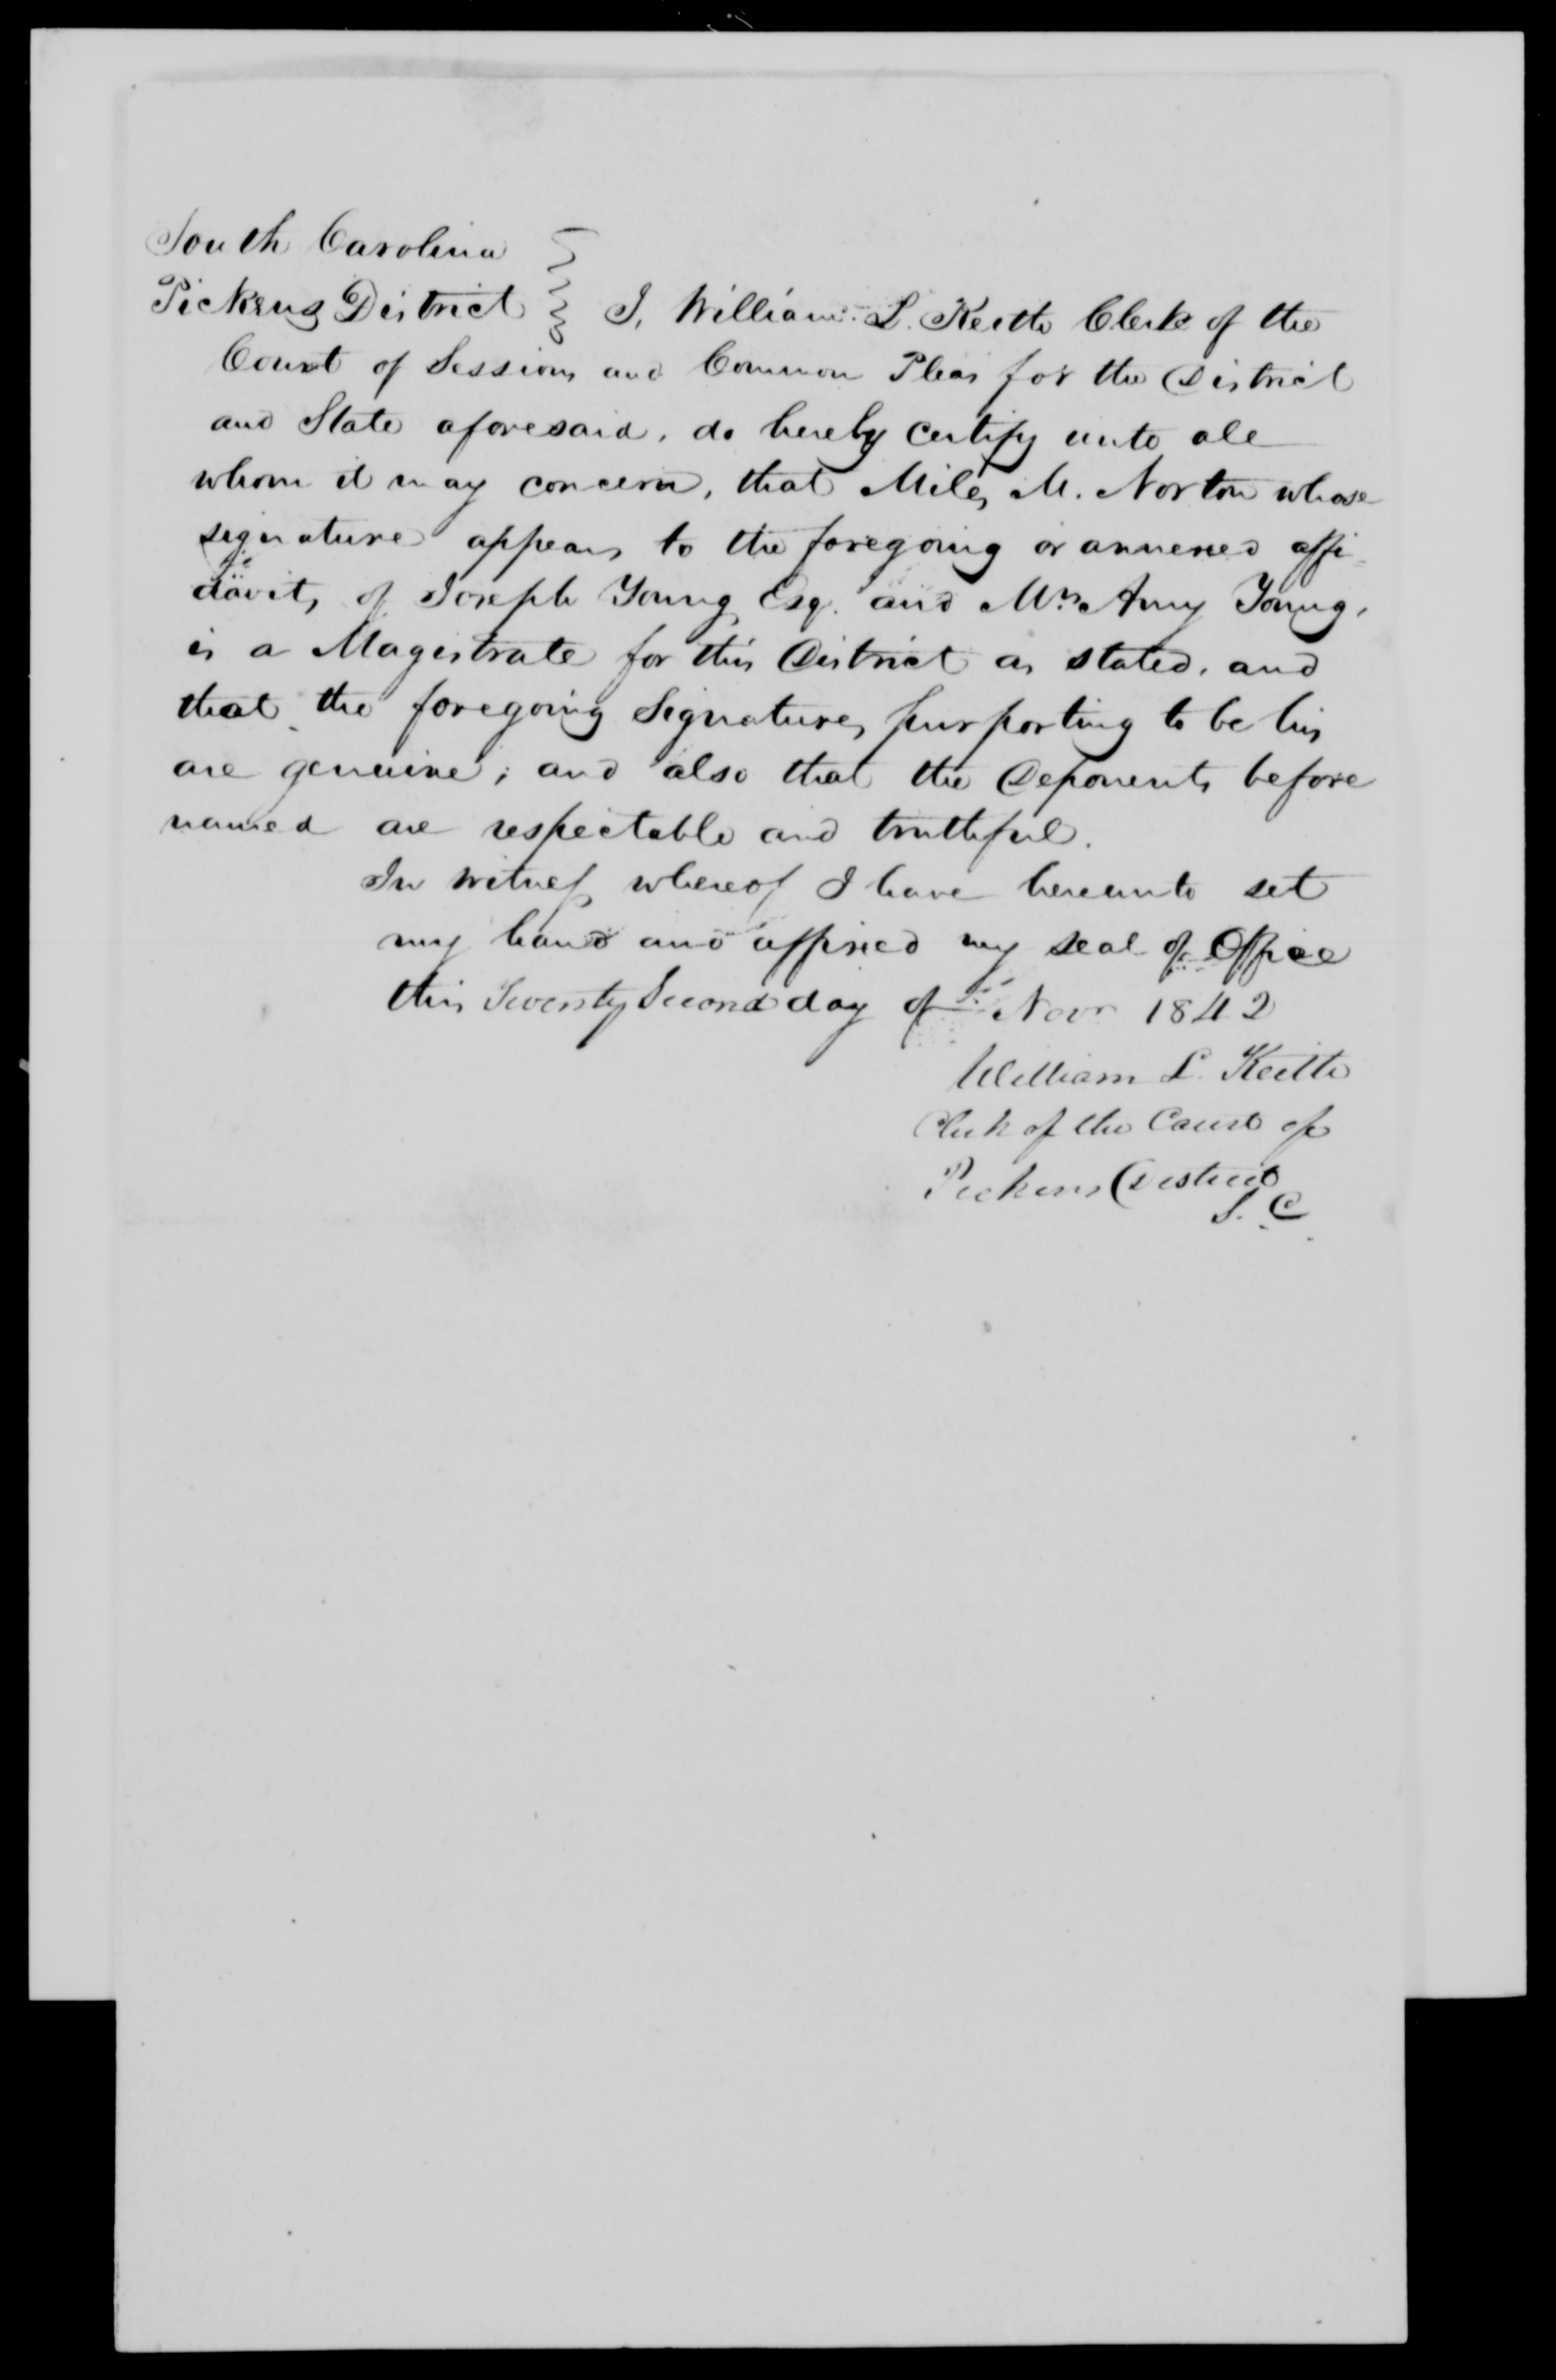South Carolina {
Pickens District {  I, William L. Keith Clerk of the
Court of Sessions and Common Pleas for the District
and State aforesaid, do hereby certify unto all
whom it may concern, that Miles M. Norton whose
signature appears to the foregoing or annexed affi
davits of Joseph Young Esq. and Mrs. Amy Young,
is a Magistrate for this District as stated, and
that the foregoing Signature purporting to be his
are genuine; and also that the Deponents before
named are respectable and truthful.
In witness whereof I have hereunto set
my hand and affixed my seal of Office
this Twenty Second day of Nov 1842
William L. Keith
Clerk of the Court of
Pickens District
S.C.[South Carolina]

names: William L Keith, Miles M Norton, Joseph Young, Amy Young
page: 23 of 56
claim: widow's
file: W. 9040, Levi Young, Ga. New Jersey S.C.